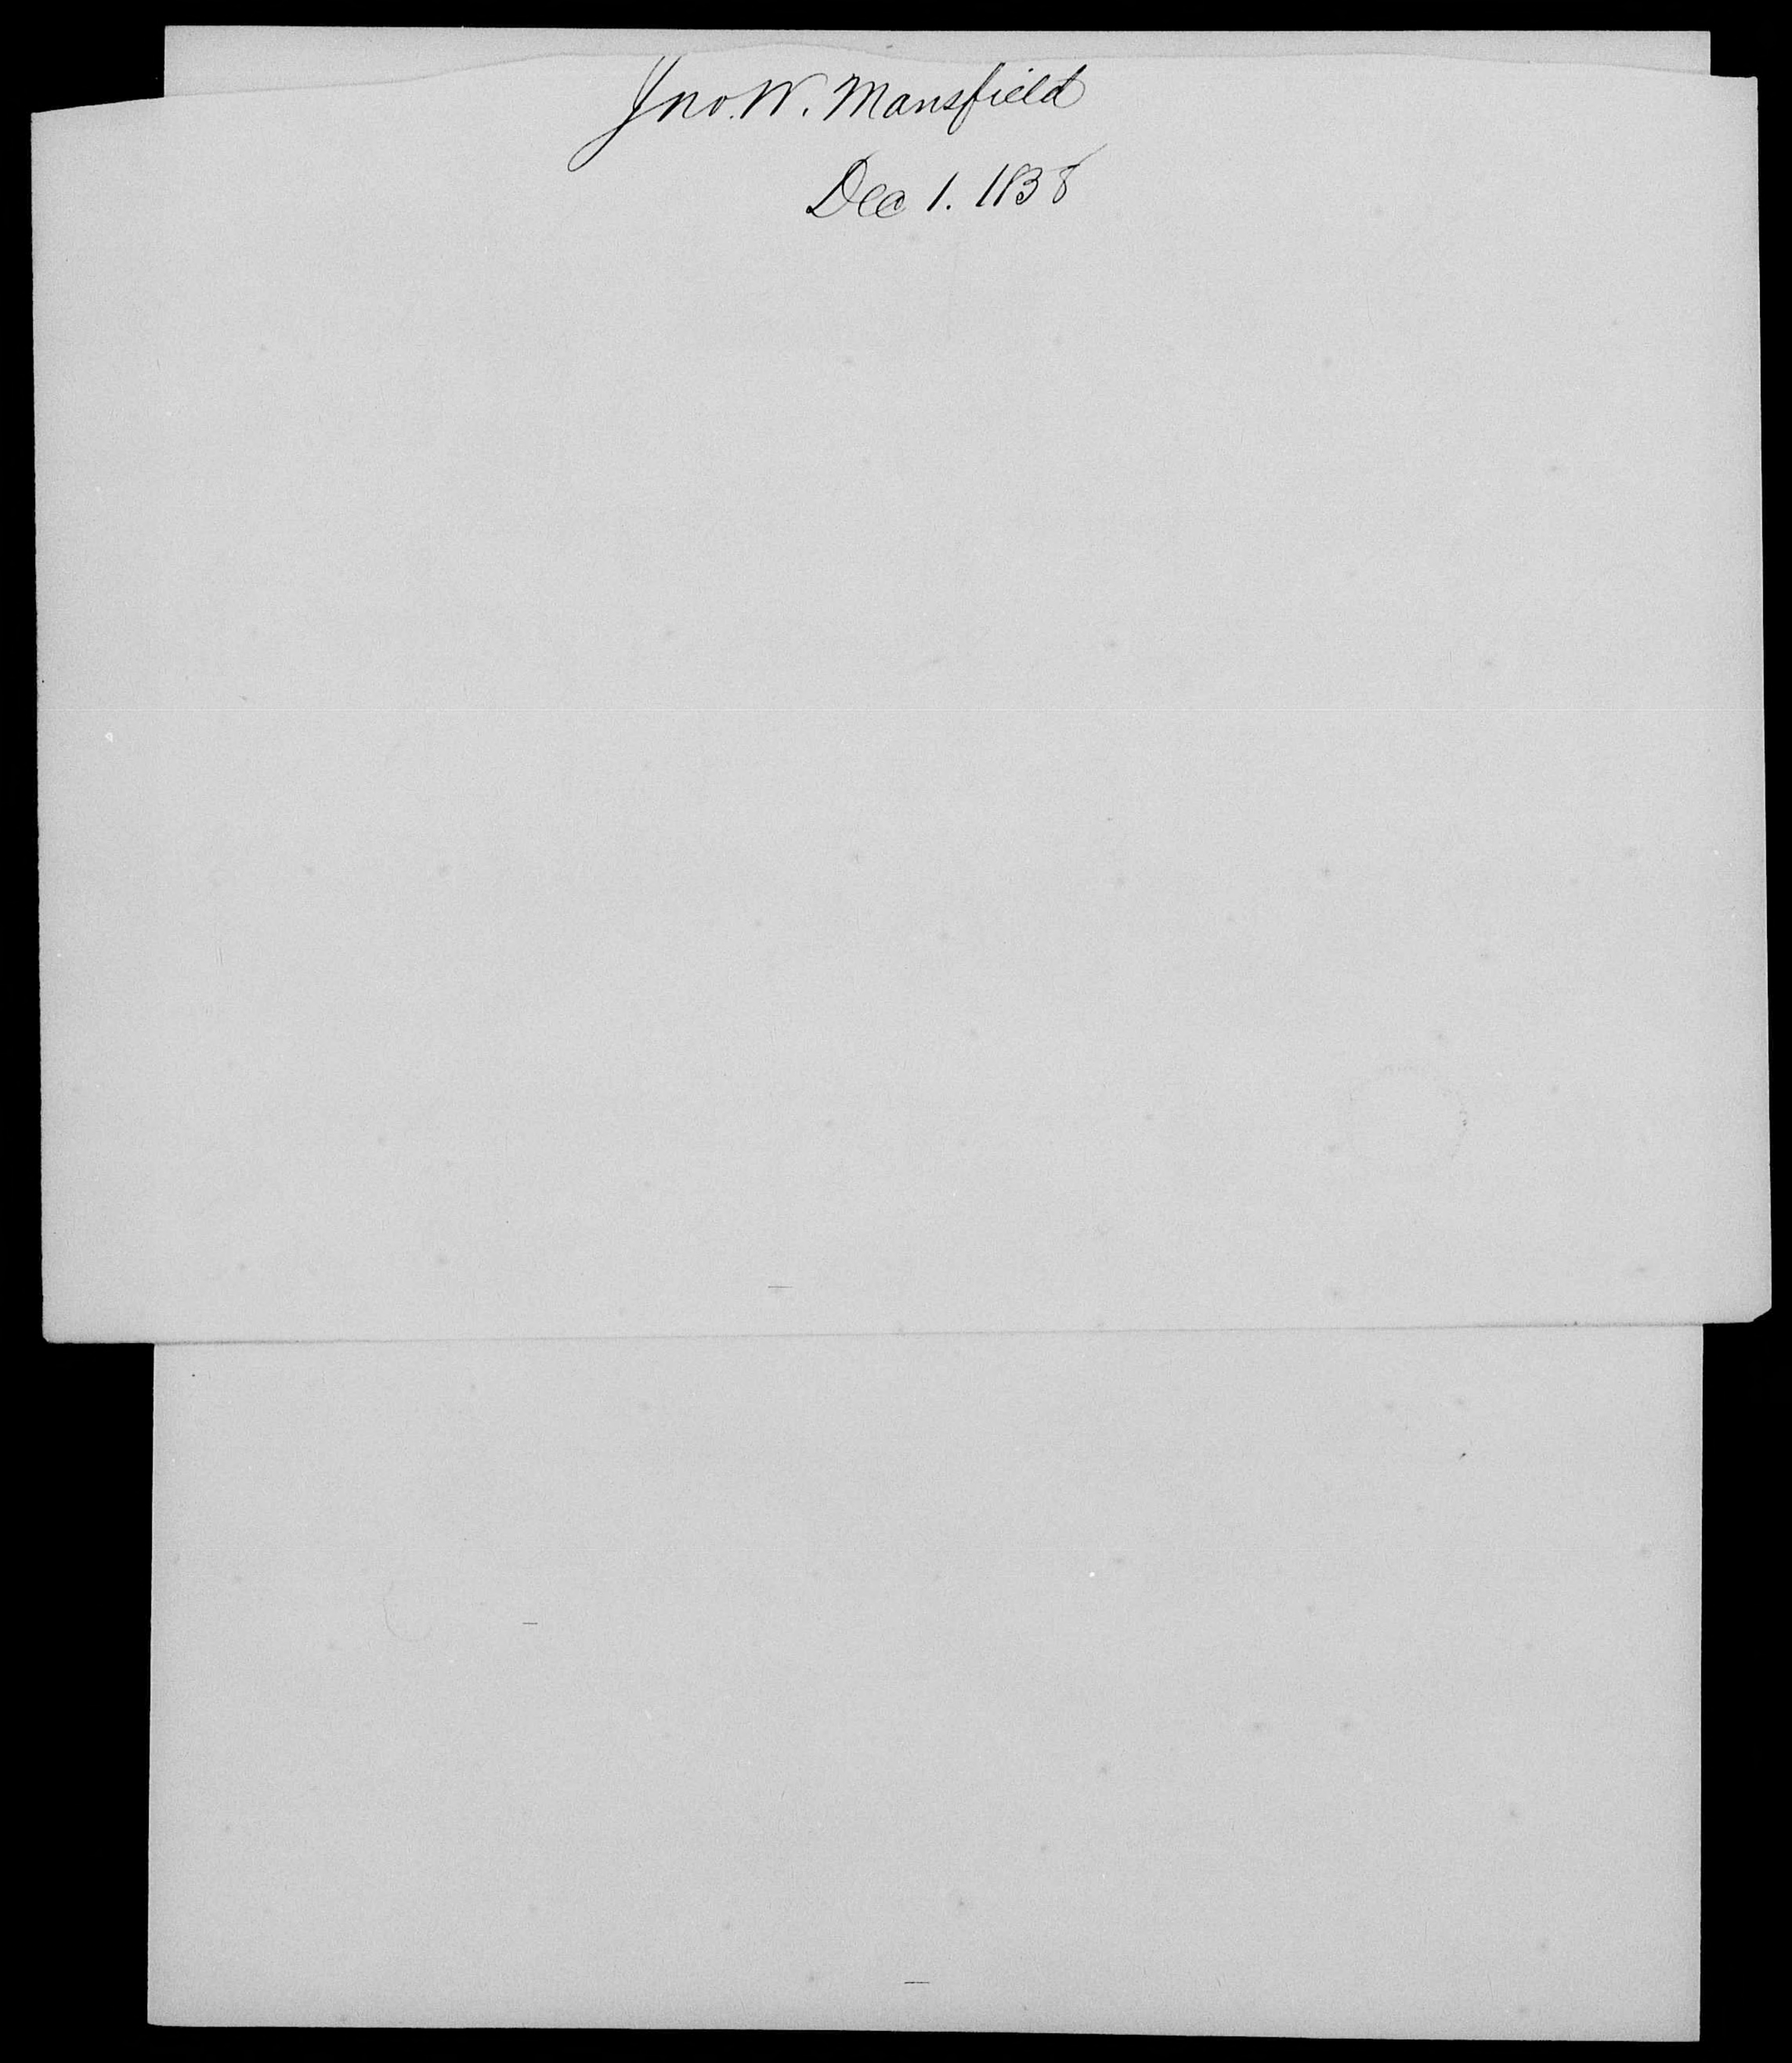Jno. W. Mansfield
Dec 1 1838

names: Jno W Mansfield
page: 29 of 70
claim: rejected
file: R. 6510, for Israel Luce, New York